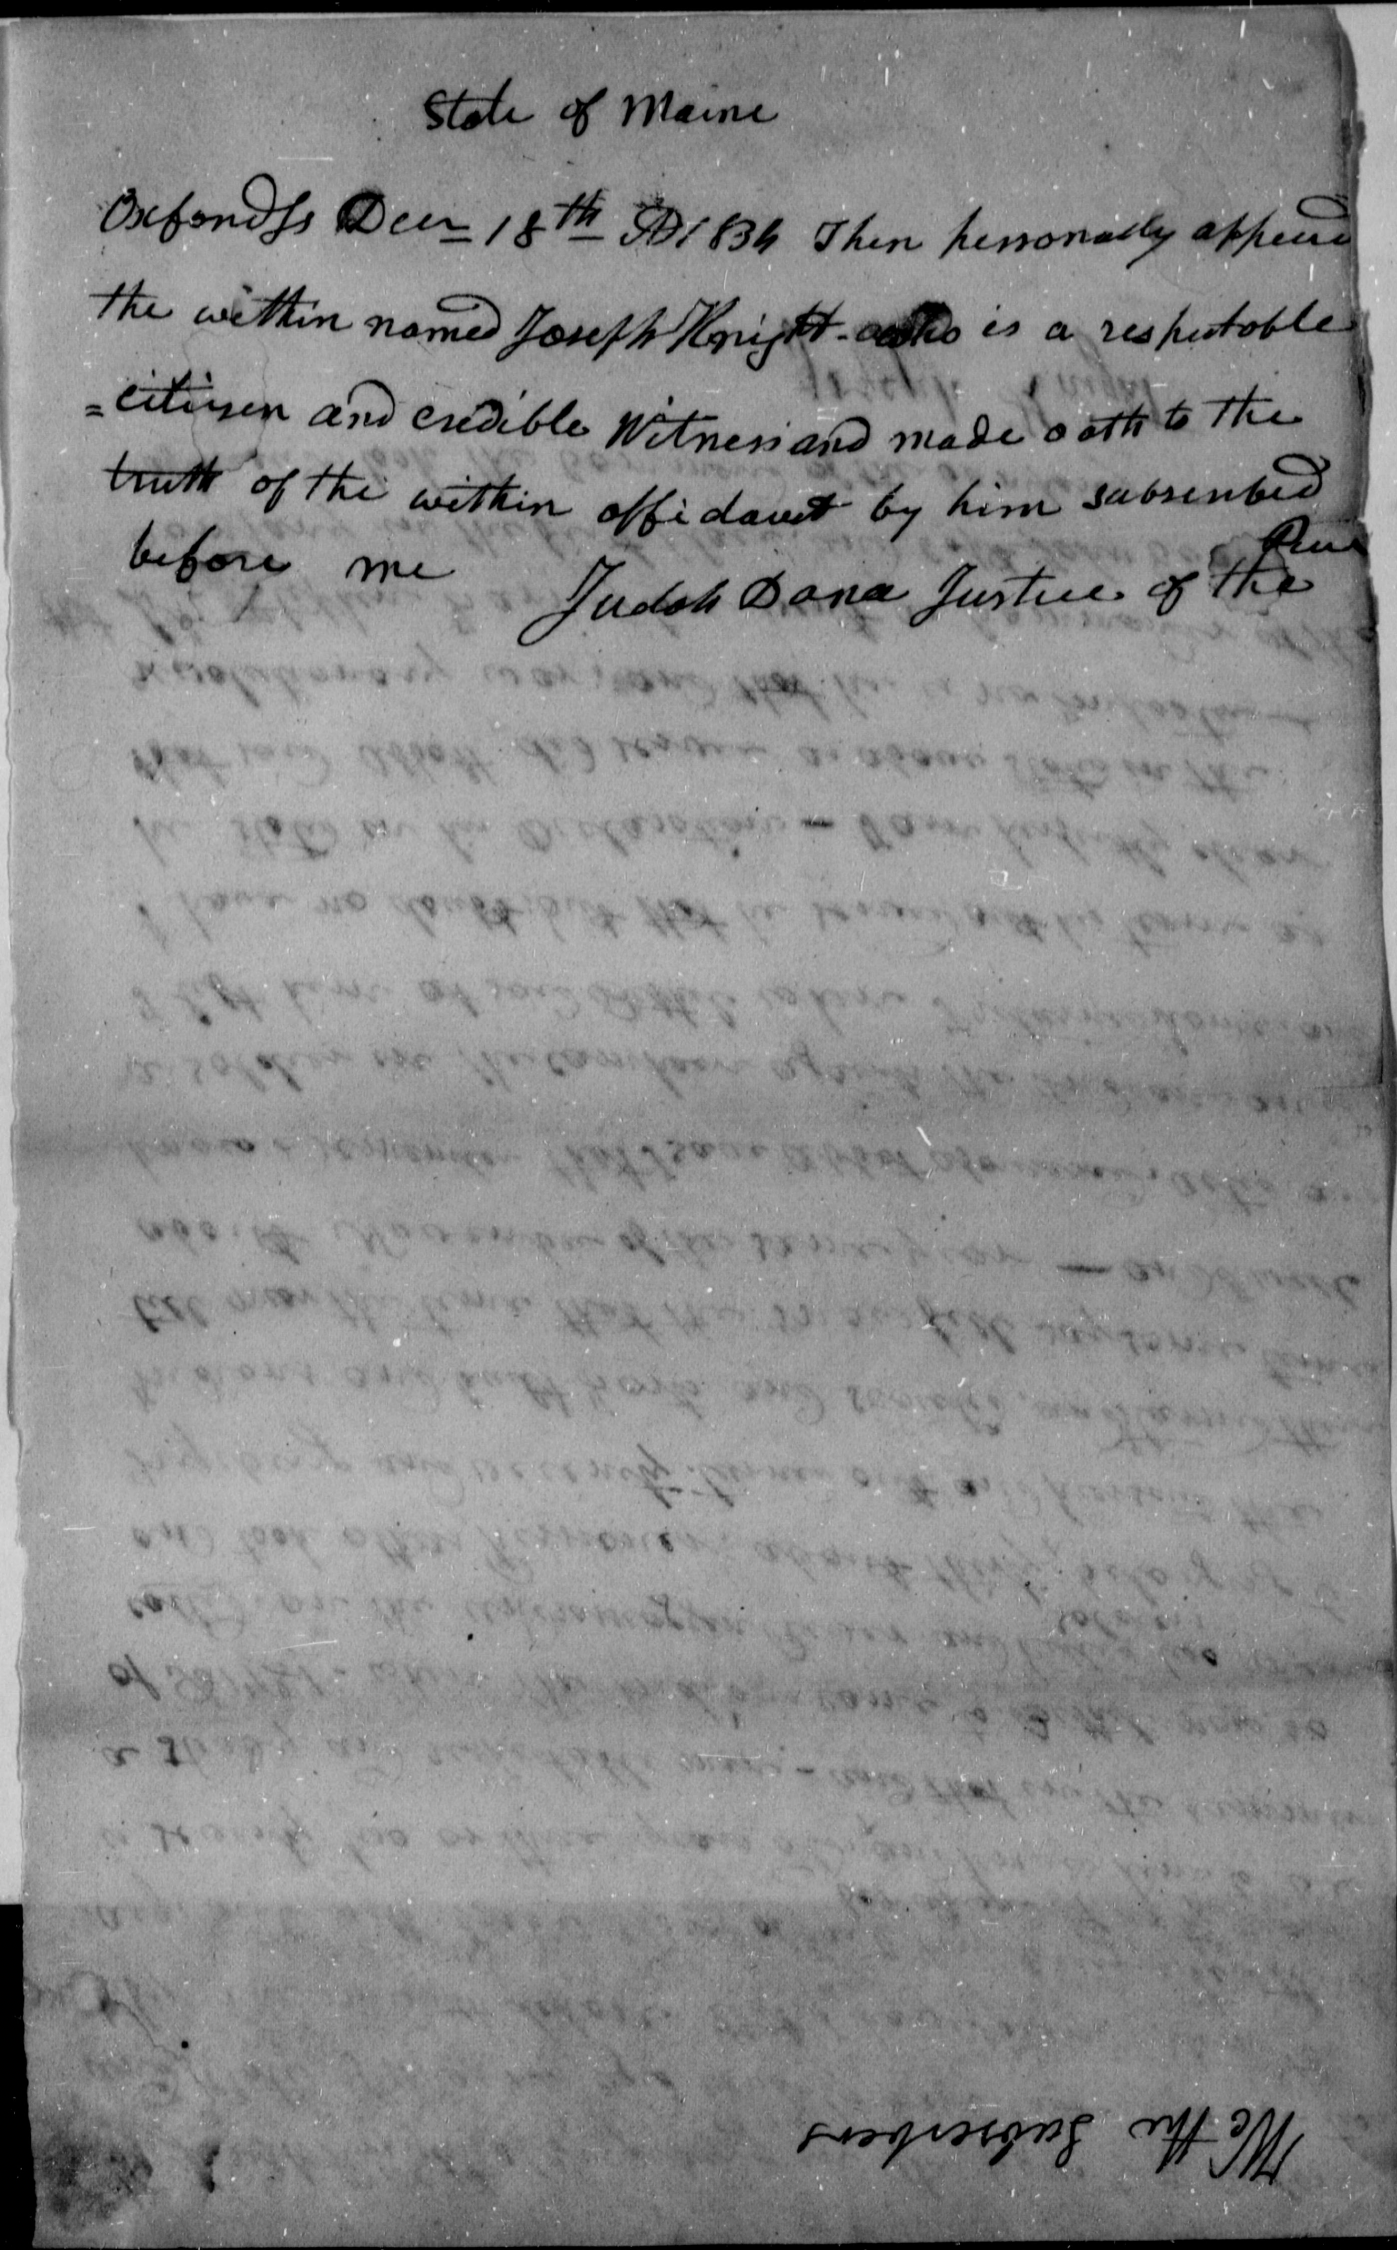State of Maine
Oxford ss., Dec 18th A.D. 1834. Then personally appeared the within named Joseph Knight, who is a respectable citizen and credible witness and made oath to the truth of the within affidavit by him, subscribed before me.
[SIGNED: Judah Dana] Justice of the Peace


[BOTTOM UP-SIDE-DOWN]
We the subscribed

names: Judah Dona, Joseph Knight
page: 36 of 86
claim: survivor's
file: S 29,568, Isaac Abbot, Mass